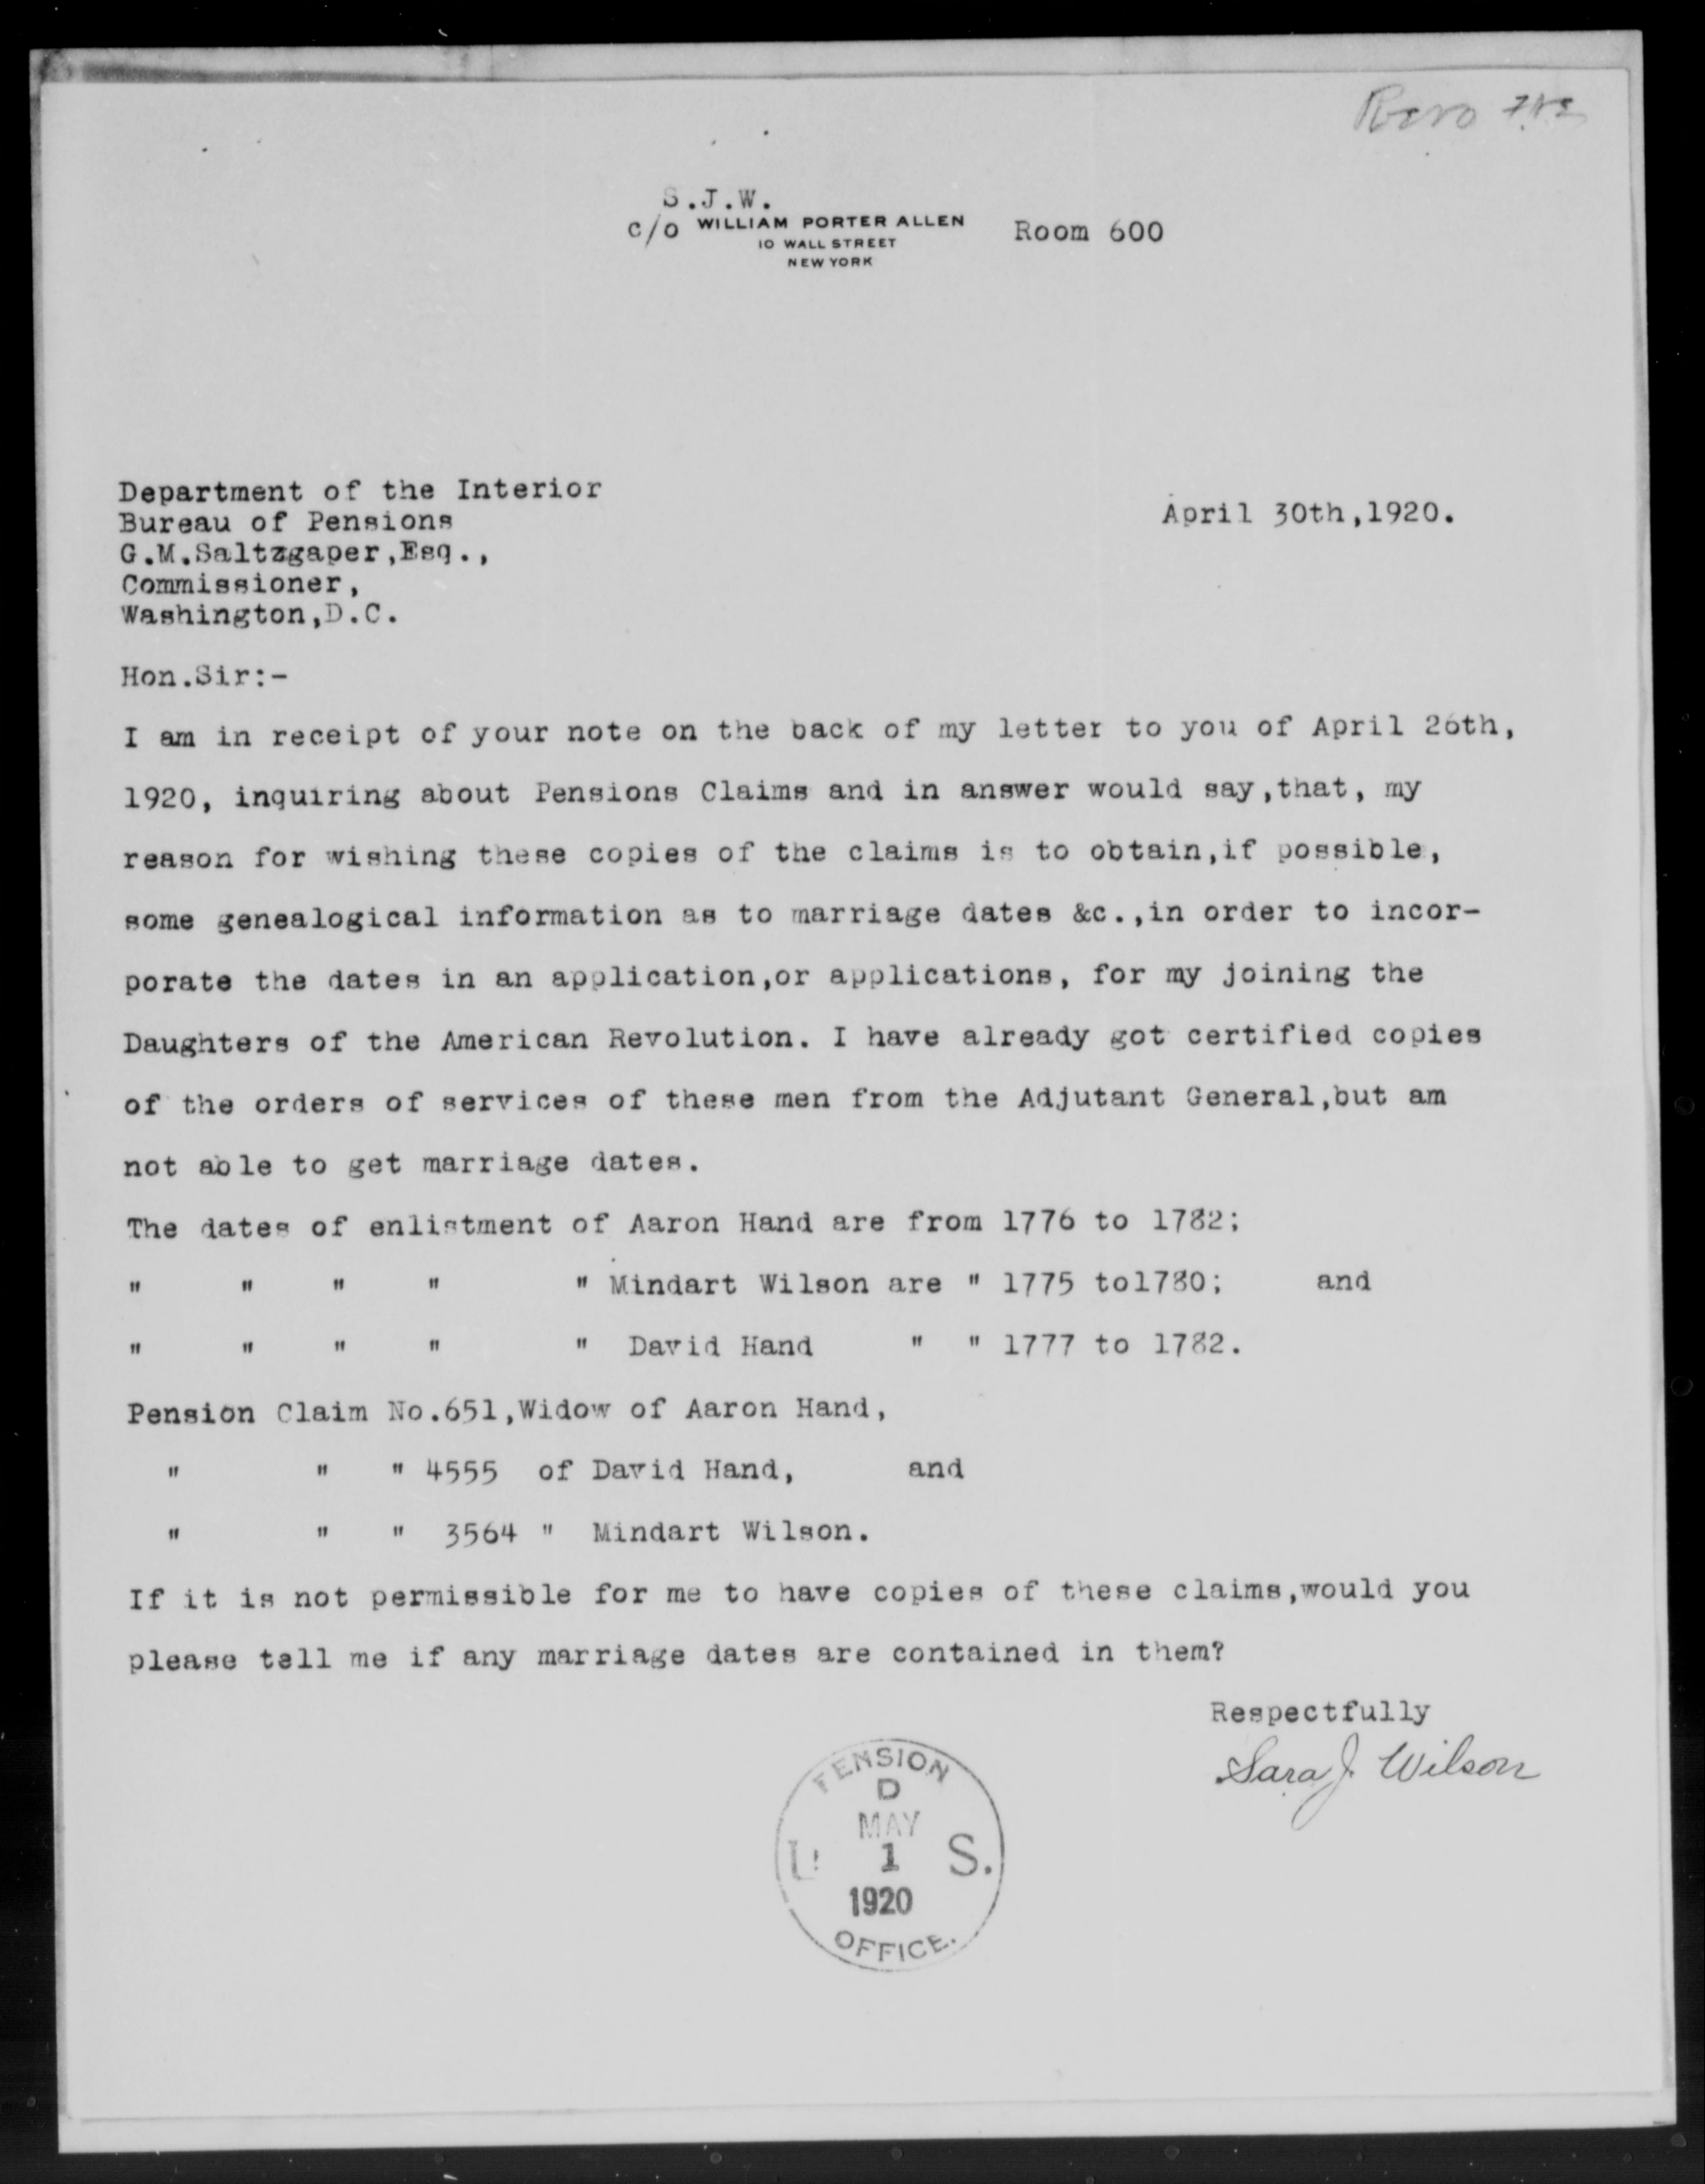Revo F.r.e.

S.J.W
c/o WILLIAM PORTER ALLEN
10 WALL STREET
NEW YORK
Room 600

Department of the Interior
Bureau of Pensions
G. M. Saltzgaper [Saltzgaber], Esq.,
Commissioner,
Washington, D.C.
April 30th, 1920.

Hon. Sir:-

I am in receipt of your note on the back of my letter to you of April 26th, 1920, inquiring about Pensions claims and in answer would say, that, my reason for wishing these copies of the claims is to obtain, if possible, some genealogical information as to marriage dates &c., in order to incorporate the dates in an application, or applications, for my joining the Daughters of the American Revolution. I have already got certified copies of the orders of services of these men from the Adjutant General, but am not able to get marriage dates.

The dates of enlistment of Aaron Hand are from 1776 to 1782;
" " " " " Mindart Wilson are " 1775 to 1780; and
" " " " " David Hand " " 1777 to 1782.

Pension Claim No. 651, Widow of Aaron Hand,
" " " 4555 of David Hand, and
" " " 3564 " Mindart Wilson.

If it is not permissible for me to have copies of these claims, would you please tell me if any marriage dates are contained in them?

Respectfully
Sara J Wilson

[round stamp] U. S. PENSION OFFICE. D MAY 1 1920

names: William Porter Allen, Aaron Hand, G M Saltzgaper, Sara J Wilson, Mindart Wilson, David Hand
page: 38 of 40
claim: survivor's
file: S. 3564, Mindart Wilson, New Jersey